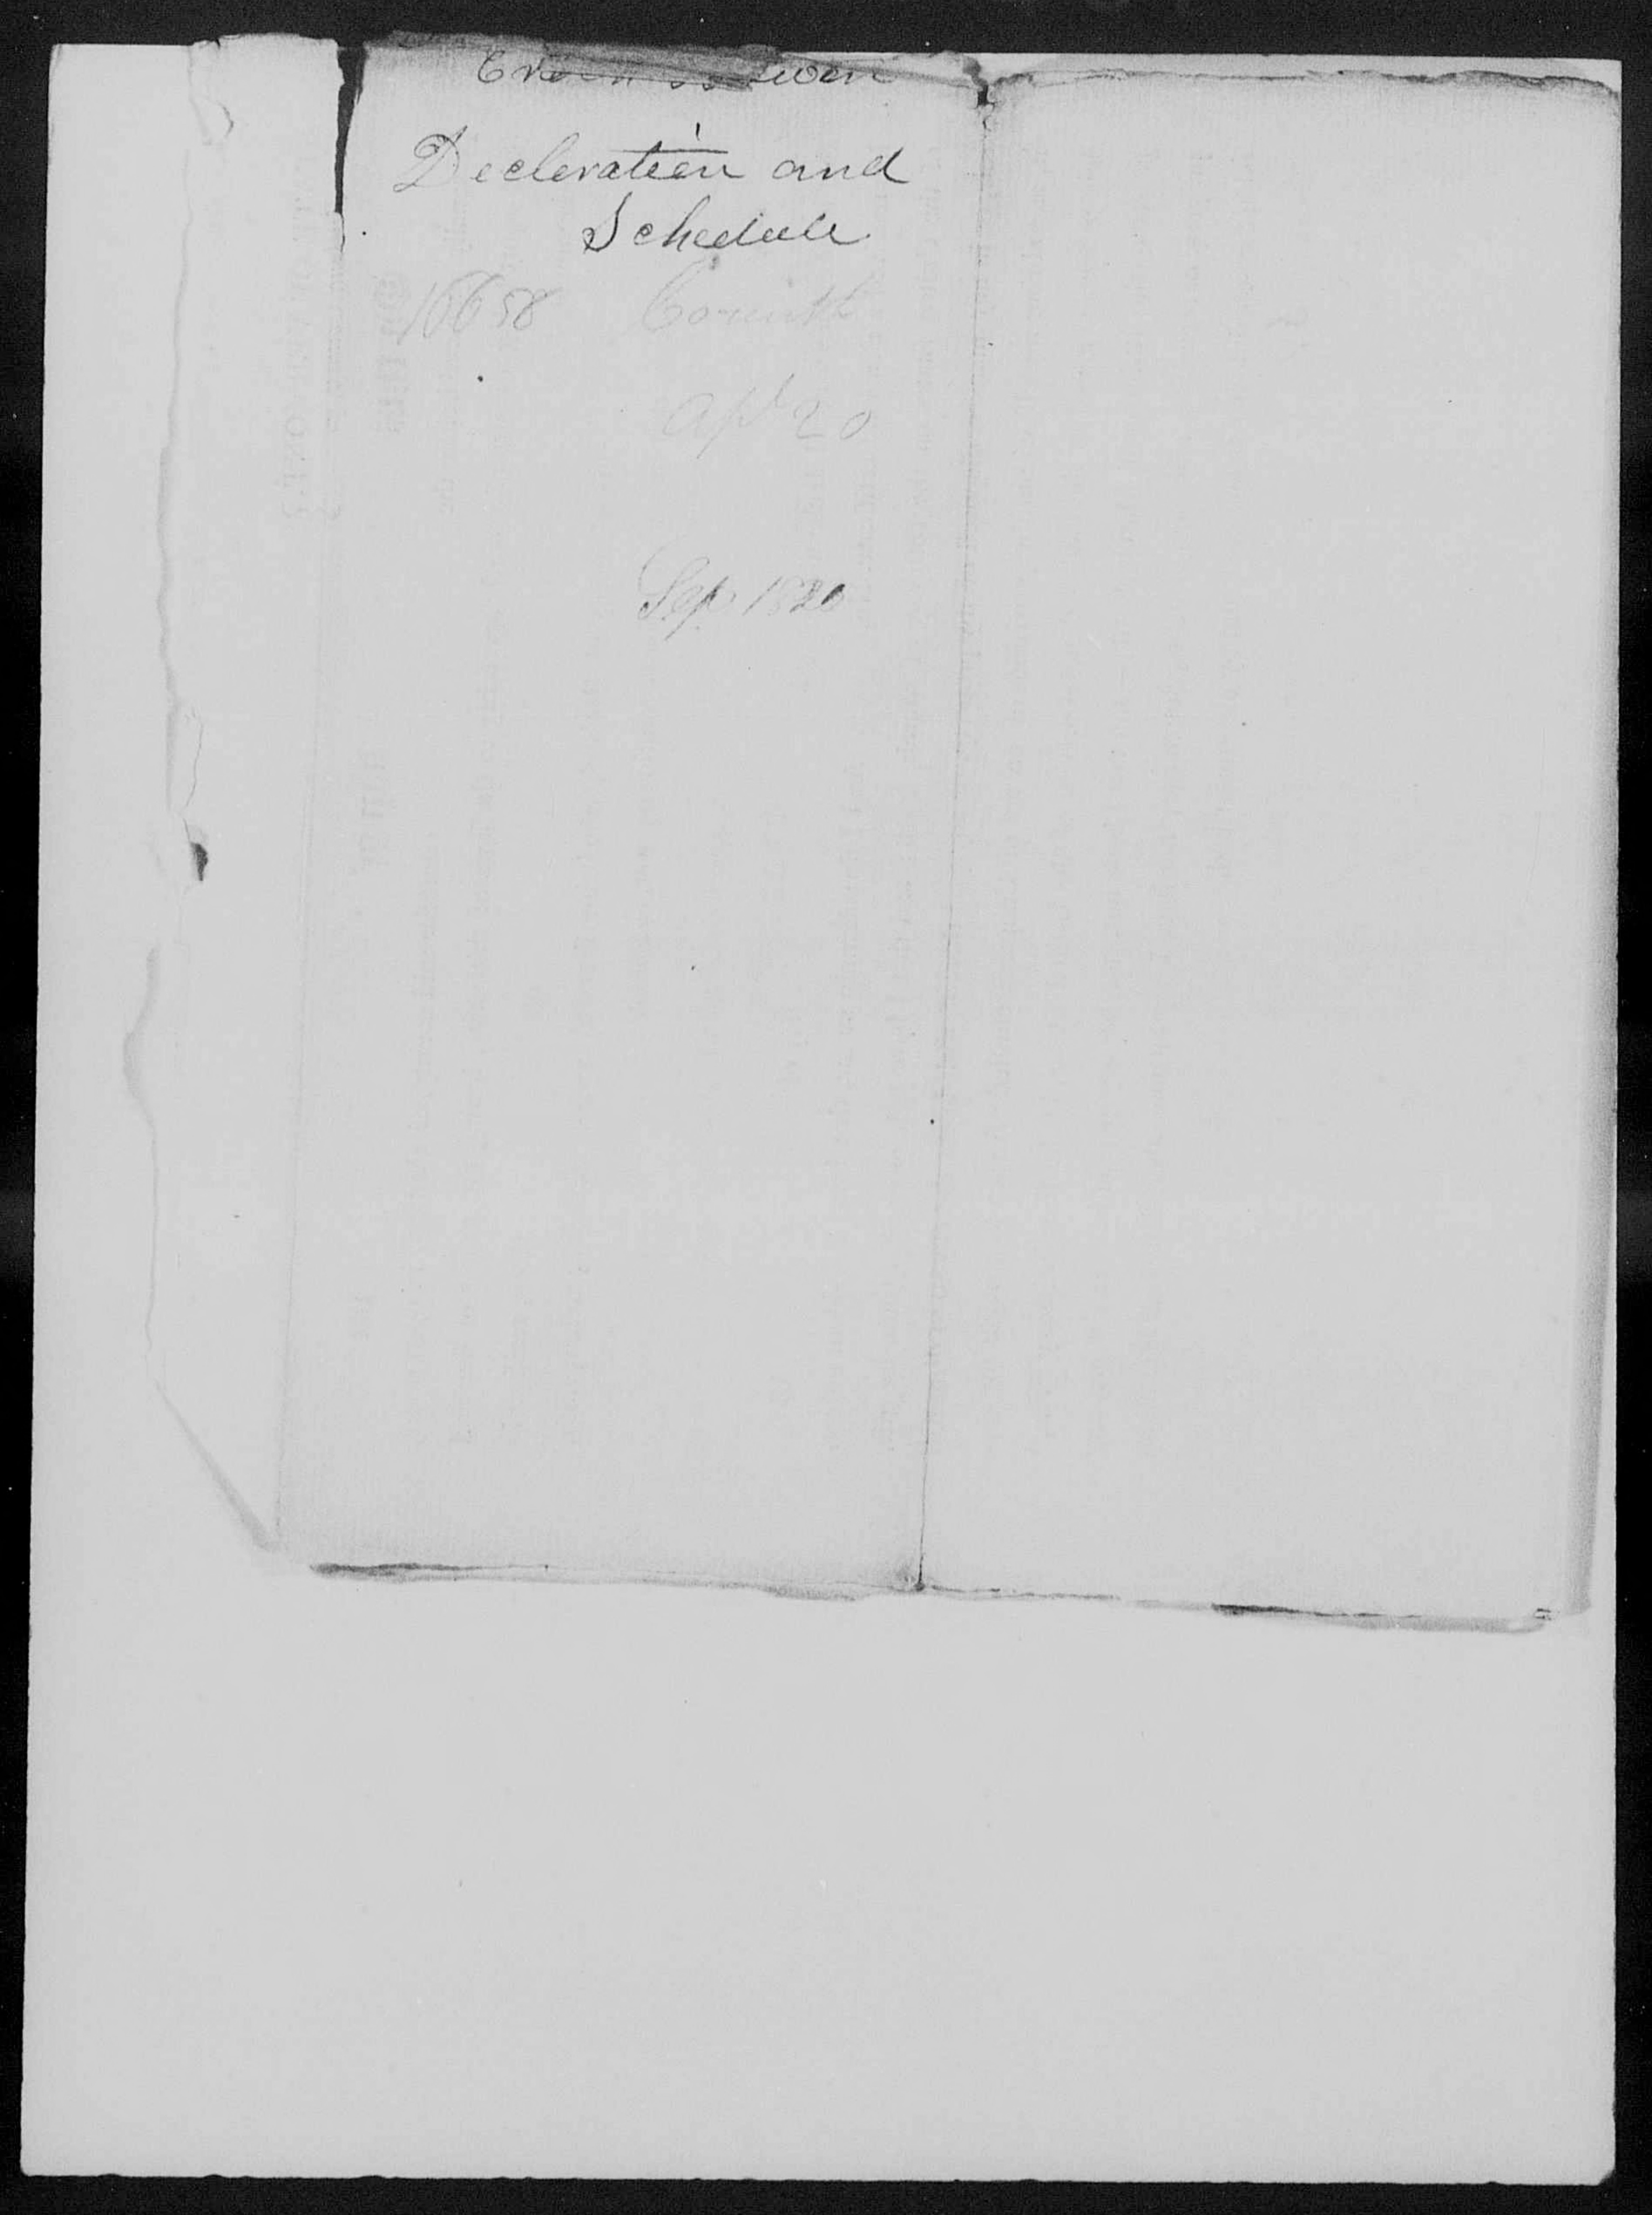Declaration and Schedule
16658 Corinth
Apl 20
Sep 1820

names: Enoch Bowen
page: 5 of 11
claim: survivor's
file: S. 41,453, Enoch Bowen, N.H.